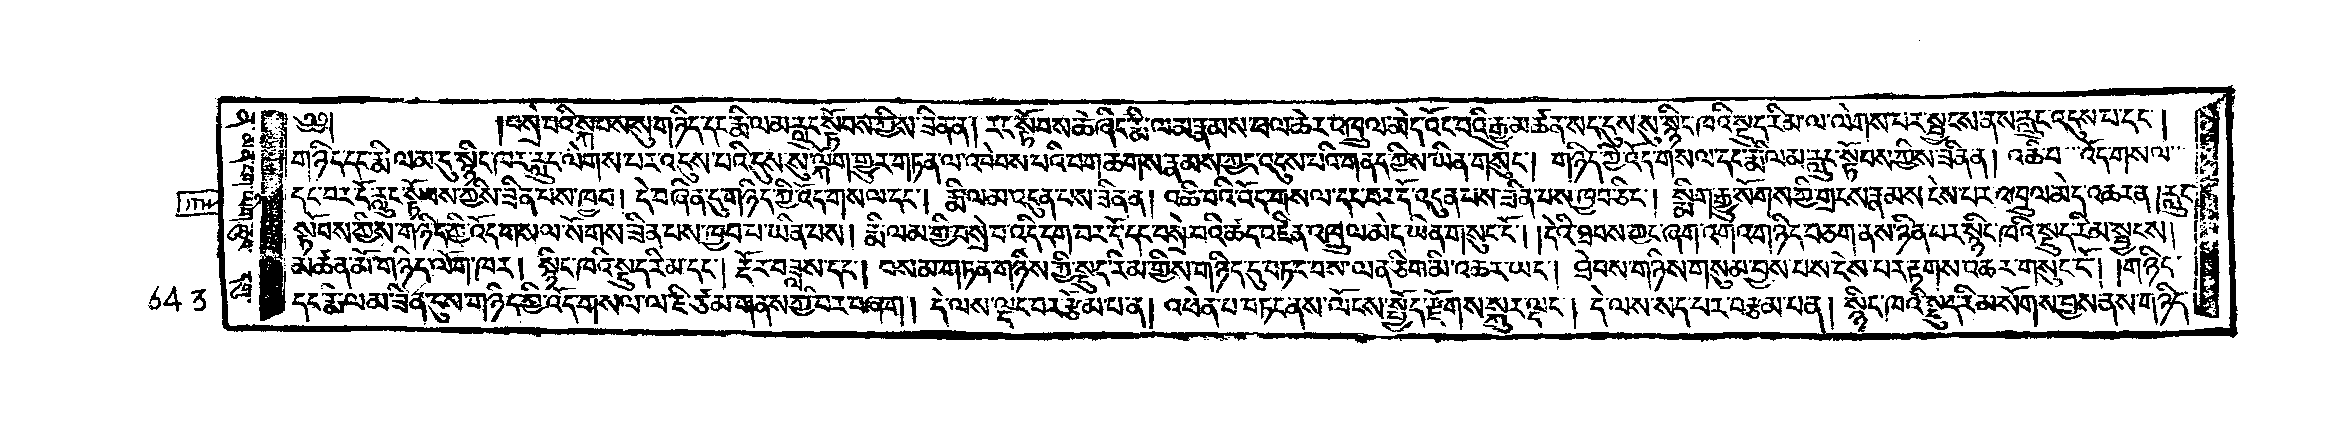༄༅། །བསྲེ་པའི་སྐབས་སུ་གཉིད་དང་རྨི་ལམ་རླུང་སྟོབས་ཀྱིས་ཟིན་ན། རང་སྟོབས་ཆེ་ཞིང་རྨི་ལམ་རྣམས་ཕལ་ཆེར་འཁྲུལ་མེད་འོང་བའི་རྒྱུ་མཚན་སད་དུས་སུ་སྙིང་ཁའི་སྡུད་རིམ་ལ་ལེགས་པར་སྦྱངས་ནས་རླུང་འདུས་པ་དང་།
གཉིད་དང་རྨི་ལམ་དུ་སྙིང་ཁར་རླུང་ལེགས་པར་འདུས་པའི་དུས་སུ་ལྐོག་གྱུར་གཏན་ལ་འབེབས་པའི་བག་ཆགས་རྣམས་ཀྱང་འདུས་པའི་གནད་ཀྱིས་ཡིན་གསུང་། གཉིད་ཀྱི་འོད་གསལ་དང་རྨི་ལམ་རླུང་སྟོབས་ཀྱིས་ཟིན་ན། འཆི་བ་འོད་གསལ་
དང་བར་དོ་རླུང་སྟོབས་ཀྱིས་ཟིན་པས་ཁྱབ། དེ་བཞིན་དུ་གཉིད་ཀྱི་འོད་གསལ་དང་། རྨི་ལམ་འདུན་པས་ཟིན་ན། འཆི་བའི་འོད་གསལ་དང་བར་དོ་འདུན་པས་ཟིན་པས་ཁྱབ་ཅིང་། སྨིག་རྒྱུ་སོགས་ཀྱི་གྲངས་རྣམས་ངེས་པར་འཁྲུལ་མེད་འཆར་ན། རླུང་
སྟོབས་ཀྱིས་གཉིད་ཀྱི་འོད་གསལ་སོགས་ཟིན་པས་ཁྱབ་པ་ཡིན་པས། རྨི་ལམ་གྱི་བསྲེ་བ་འདི་དག་བར་དོ་དང་བསྲེ་བའི་ཚད་འཛིན་འཁྲུལ་མེད་ཡིན་གསུང་ངོ། །དེའི་ཐབས་ཀྱང་ཞག་འགའ་གཉིད་བཅག་ནས་ཉིན་པར་སྙིང་ཁའི་སྡུད་རིམ་སྦྱངས།
མཚན་མོ་གཉིད་ལོག་ཁར། སྙིང་ཁའི་སྡུད་རིམ་དང་། རྡོར་བཟླས་དང་། བསམ་གཏན་གཉིས་ཀྱི་སྡུད་རིམ་གྱིས་གཉིད་དུ་བཏང་བས་ལན་ཅིག་མི་འཆར་ཡང་། ཐེབས་གཉིས་གསུམ་བྱས་པས་ངེས་པར་རྟགས་འཆར་གསུང་ངོ། །གཉིད་
དང་རྨི་ལམ་ཟིན་དུས་གཉིད་ཀྱི་འོད་གསལ་ལ་ཇི་ཙམ་གནས་ཀྱི་བར་བཞག །དེ་ལས་ལྡང་བར་རྩོམ་པ་ན། འཕེན་པ་བཏང་ནས་ལོངས་སྤྱོད་རྫོགས་སྐུར་ལྡང་། དེ་ལས་སད་པར་བརྩམ་པ་ན། སྙིང་ཁའི་སྡུད་རིམ་སོགས་བྱས་ནས་གཉིད་